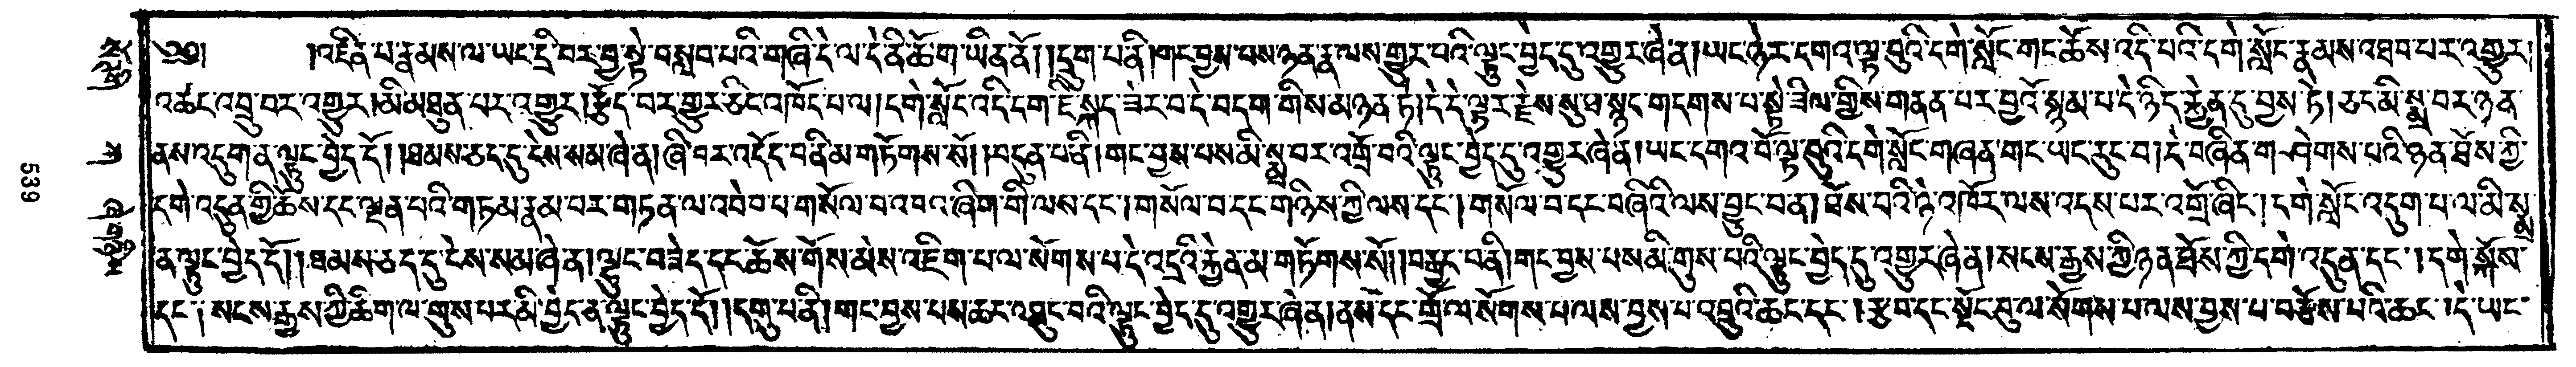༄༅། །འཛིན་པ་རྣམས་ལ་ཡང་དྲི་བར་བྱ་སྟེ་བསླབ་པའི་གཞི་དེ་ལ་དེ་ནི་ཆོ་ག་ཡིན་ནོ། །དྲུག་པ་ནི། གང་བྱས་པས་ཉན་རྣ་ལས་གྱུར་པའི་ལྟུང་བྱེད་དུ་འགྱུར་ཞེ་ན། ཡང་ཉེར་དགའ་ལྟ་བུའི་དགེ་སློང་གང་ཆོས་འདི་པའི་དགེ་སློང་རྣམས་འཐབ་པར་འགྱུར།
འཚང་འབྲུ་བར་འགྱུར། མི་མཐུན་པར་འགྱུར། རྩོད་བར་གྱུར་ཅིང་འཁོད་པ་ལ། དགེ་སློང་འདི་དག་ཇི་སྐད་ཟེར་བ་དེ་བདག་གིས་མཉན་ཏེ། དེ་དེ་ལྟར་རྗེས་སུ་ཐ་སྙང་གདགས་པ་སྟེ་ཟིལ་གྱིས་གནན་པར་བྱའོ་སྙམ་པ་དེ་ཉིད་རྐྱེན་དུ་བྱས་ཏེ། ཅང་མི་སྨྲ་བར་ཉན་
ནས་འདུག་ན་ལྟུང་བྱེད་དོ། །ཐམས་ཅད་དུ་ངེས་སམ་ཞེ་ན། ཞི་བར་འདོད་བ་ནི་མ་གཏོགས་སོ། །བདུན་པ་ནི། གང་བྱས་པས་མི་སྨྲ་བར་འགྲོ་བའི་ལྟུང་བྱེད་དུ་འགྱུར་ཞེ་ན། ཡང་དགའ་བོ་ལྟ་བུའི་དགེ་སློང་གཞན་གང་ཡང་རུང་བ། དེ་བཞིན་གཤེགས་པའི་ཉན་ཐོས་ཀྱི་
དགེ་འདུན་གྱི་ཆོས་དང་ལྡན་པའི་གཏམ་རྣམ་པར་གཏན་ལ་འབེབ་པ་གསོལ་བ་འབའ་ཞིག་གི་ལས་དང་། གསོལ་བ་དང་གཉིས་ཀྱི་ལས་དང་། གསོལ་བ་དང་བཞིའི་ལས་བྱུང་བ་ན། ཐོས་པའི་ཉེ་འཁོར་ལས་འདས་པར་འགྲོ་ཞིང་། དགེ་སློང་འདུག་པ་ལ་མི་སྨྲ་
ན་ལྟུང་བྱེད་དོ། །ཐམས་ཅད་དུ་ངེས་སམ་ཞེ་ན། ལྟུང་བཟེད་དང་ཆོས་གོས་མེས་འཇིག་པ་ལ་སོགས་པ་དེ་འདྲའི་རྐྱེན་མ་གཏོགས་སོ། །བརྒྱད་པ་ནི། གང་བྱས་པས་མི་གུས་པའི་ལྟུང་བྱེད་དུ་འགྱུར་ཞེ་ན། སངས་རྒྱས་ཀྱི་ཉན་ཐོས་ཀྱི་དགེ་འདུན་དང་། དགེ་སྐོས་
དང༑ སངས་རྒྱས་ཀྱི་ཚིག་ལ་གུས་པར་མི་བྱེད་ན་ལྟུང་བྱེད་དོ། །དགུ་པ་ནི། གང་བྱས་པས་ཆང་འཐུང་བའི་ལྟུང་བྱེད་དུ་འགྱུར་ཞེ་ན། ནས་དང་གྲོལ་སོགས་པ་ལས་བྱས་པ་འབྲུའི་ཆང་དང་། རྩ་བ་དང་སྔོང་བུ་ལས་བྱས་པ་བརྩོས་པའི་ཆང་། དེ་ཡང་